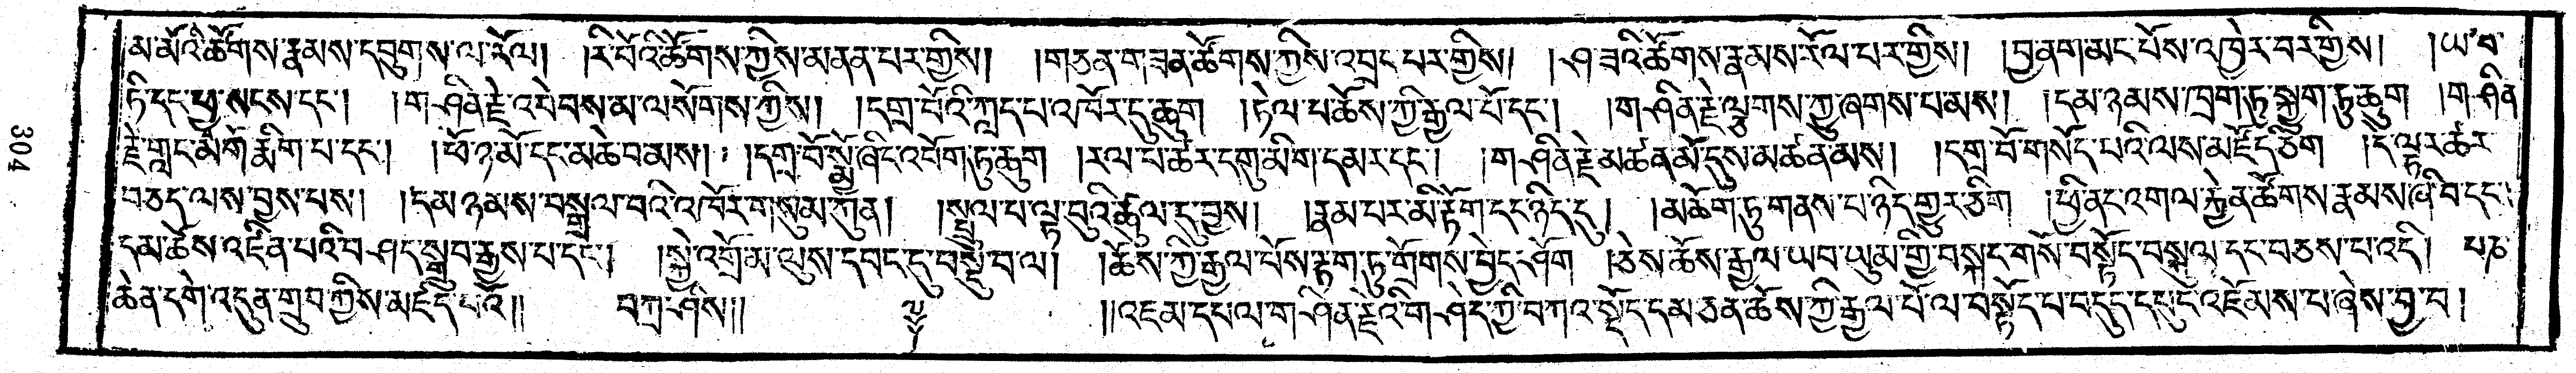མ་མོའི་ཚོགས་རྣམས་དབུགས་ལ་རོལ། །རི་བོའི་ཚོགས་ཀྱིས་མནན་པར་གྱིས། །གཅན་གཟན་ཚོགས་ཀྱིས་འབྲང་པར་གྱིས། །ཤ་ཟའི་ཚོགས་རྣམས་རོལ་པར་གྱིས། །བྱ་ནག་མང་པོས་འཁྱེར་བར་གྱིས། །ཡ་བ་
ཏི་དང་ཕྱ་སངས་དང་། །གཤིན་རྗེ་འབེབས་མ་ལ་སོགས་ཀྱིས། །དགྲ་བོའི་ཀླད་པ་འཁོར་དུ་ཆུག །ཏེལ་པ་ཆོས་ཀྱི་རྒྱལ་པོ་དང་། །གཤིན་རྗེ་ལྕགས་ཀྱུ་ཞགས་པ་མས། །དམ་ཉམས་ཁྲག་ཏུ་སྐྱུག་ཏུ་ཆུག །གཤིན་
རྗེ་གླང་མགོ་རྨིག་པ་དང་། །ཕོ་ཉ་མོ་དང་མཆེ་བ་མས། །དགྲ་བོ་སྨྱོ་ཞིང་འབོག་ཏུ་ཆུག །རལ་པ་ཚར་དགུ་མིག་དམར་དང་། །གཤིན་རྗེ་མཚན་མོ་དུས་མཚན་མས། །དགྲ་བོ་གསོད་པའི་ལས་མཛོད་ཅིག །དེ་ལྟར་ཚར་
བཅད་ལས་བྱས་པས། །དམ་ཉམས་བསྒྲལ་བའི་འཁོར་གསུམ་ཀུན། །སྤྲུལ་པ་ལྟ་བུའི་ཚུལ་དུ་བྱས། །རྣམ་པར་མི་རྟོག་དང་ཉིད་དུ། །མཆོག་ཏུ་གནས་པ་ཉིད་གྱུར་ཅིག །ཕྱི་ནང་འགལ་རྐྱེན་ཚོགས་རྣམས་ཞི་བ་དང་།
དམ་ཆོས་འཛིན་པའི་བཤད་སྒྲུབ་རྒྱས་པ་དང་། །སྐྱེ་འགྲོ་མ་ལུས་དབང་དུ་བསྡུ་བ་ལ། །ཆོས་ཀྱི་རྒྱལ་པོས་རྟག་ཏུ་གྲོགས་བྱེད་ཤོག །ཅེས་ཆོས་རྒྱལ་ཡབ་ཡུམ་གྱི་བསྐང་གསོ་བསྟོད་བསྐུལ་དང་བཅས་པ་འདི། པཎ་
ཆེན་དགེ་འདུན་གྲུབ་ཀྱིས་མཛད་པའོ།། བཀྲ་ཤིས།། ༈ །།འཇམ་དཔལ་གཤིན་རྗེའི་གཤེད་ཀྱི་བཀའ་སྡོད་དམ་ཅན་ཆོས་ཀྱི་རྒྱལ་པོ་ལ་བསྟོད་པ་བདུད་དཔུང་འཇོམས་པ་ཞེས་བྱ་བ།